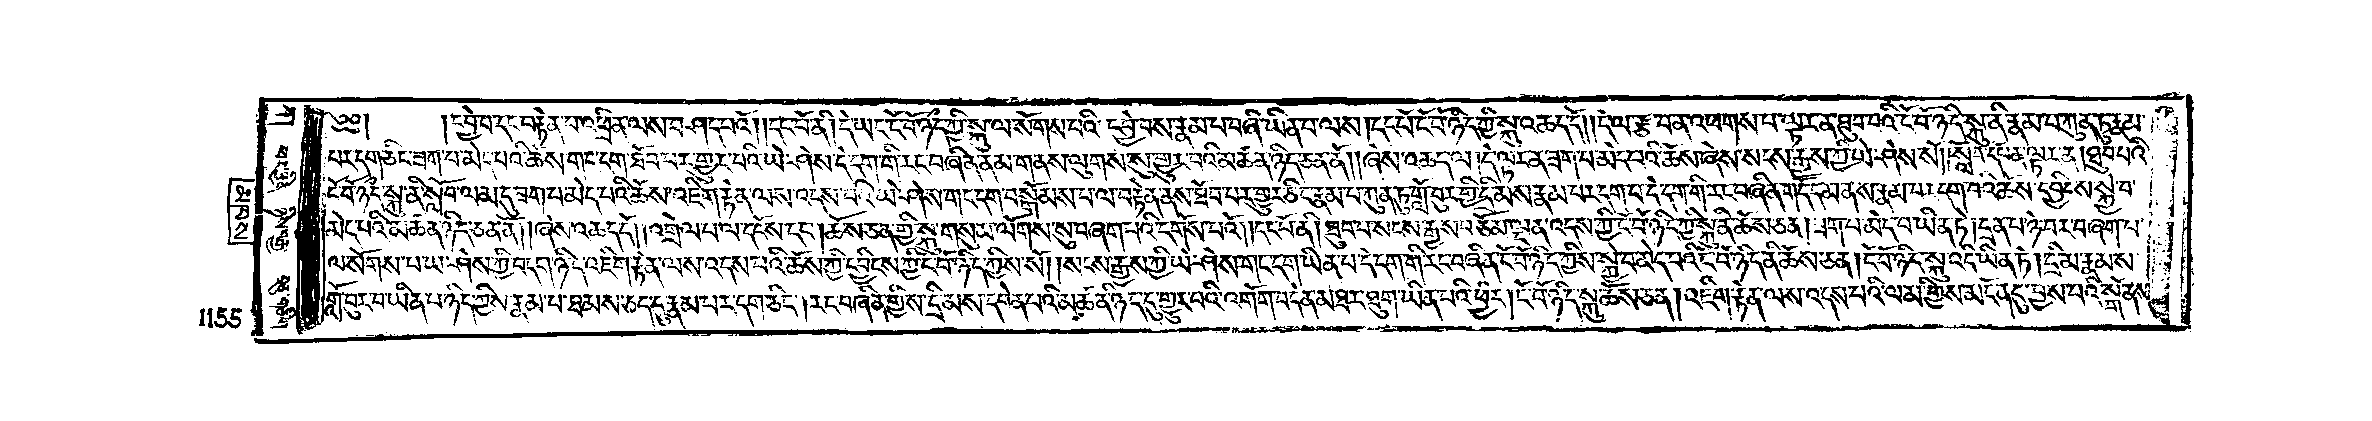༄༅། །དབྱེ་བ་དང་བརྟེན་པ་འཕྲིན་ལས་བཤད་པའོ། །དང་པོ་ནི། དེ་ཡང་ངོ་བོ་ཉིད་ཀྱི་སྐུ་ལ་སོགས་པའི་དབྱེ་བས་རྣམ་པ་བཞི་ཡིན་པ་ལས། དང་པོ་ངོ་བོ་ཉིད་ཀྱི་སྐུ་འཆད་དོ། །དེ་ལ་རྩ་བ་ན་འཕགས་པ་ལྟར་ན་ཐུབ་པའི་ངོ་བོ་ཉིད་སྐུ་ནི་རྣམ་པ་ཀུན་ཏུ་རྣམ་
པར་དག་ཅིང་ཟག་པ་མེད་པའི་ཆོས་གང་དག་ཐོབ་པར་གྱུར་པའི་ཡེ་ཤེས་དེ་དག་གི་རང་བཞིན་ནམ་གནས་ལུགས་སུ་གྱུར་པའི་མཚན་ཉིད་ཅན་ནོ། །ཞེས་འཆད་ལ། དེ་ལྟར་ན་ཟག་པ་མེད་པའི་ཆོས་ཞེས་སངས་རྒྱས་ཀྱི་ཡེ་ཤེས་སོ། །སློབ་དཔོན་ལྟར་ན། ཐུབ་པའི་
ངོ་བོ་ཉིད་སྐུ་ནི་སློབ་ལམ་དུ་ཟག་པ་མེད་པའི་ཆོས་འཇིག་རྟེན་ལས་འདས་པའི་ཡེ་ཤེས་གང་དག་བསྒོམས་པ་ལ་བརྟེན་ནས་ཐོབ་པར་གྱུར་ཅིང་རྣམ་པ་ཀུན་ཏུ་གློ་བུར་གྱི་དྲི་མས་རྣམ་པར་དག་པ་དེ་དག་གི་རང་བཞིན་གདོད་མ་ནས་རྣམ་པར་དག་པའི་ཆོས་དབྱིངས་སྐྱེ་བ་
མེད་པའི་མཚན་ཉིད་ཅན་ནོ། །ཞེས་འཆད་དོ། །འགྲེལ་པ་ལ་དངོས་དང་། ཆོས་ཅན་གྱི་སྐུ་གསུམ་ལོགས་སུ་བཞག་པའི་དགོས་པའོ། །དང་པོ་ནི། ཐུབ་པ་སངས་རྒྱས་བཅོམ་ལྡན་འདས་ཀྱི་ངོ་བོ་ཉིད་ཀྱི་སྐུ་ནི་ཆོས་ཅན། ཟག་པ་མེད་པ་ཡིན་ཏེ། དྲན་པ་ཉེ་བར་བཞག་པ་
ལ་སོགས་པ་ཡེ་ཤེས་ཀྱི་བདག་ཉིད་འཇིག་རྟེན་ལས་འདས་པའི་ཆོས་ཀྱི་དབྱིངས་ཀྱི་ངོ་བོ་ཉིད་ཀྱིས་སོ། །སངས་རྒྱས་ཀྱི་ཡེ་ཤེས་གང་དག་ཡིན་པ་དེ་དག་གི་རང་བཞིན་ངོ་བོ་ཉིད་ཀྱིས་སྐྱེ་བ་མེད་པའི་ངོ་བོ་ཉིད་ནི་ཆོས་ཅན། ངོ་བོ་ཉིད་སྐུ་འདི་ཡིན་ཏེ། དྲི་མ་རྣམས་
གློ་བུར་བ་ཡིན་པ་ཉིད་ཀྱིས་རྣམ་པ་ཐམས་ཅད་དུ་རྣམ་པར་དག་ཅིང་། རང་བཞིན་གྱིས་དྲི་མས་དབེན་པའི་མཚན་ཉིད་དུ་གྱུར་པའི་འགོག་བདེན་མཐར་ཐུག་ཡིན་པའི་ཕྱིར། ངོ་བོ་ཉིད་སྐུ་ཆོས་ཅན། འཇིག་རྟེན་ལས་འདས་པའི་ལམ་གྱིས་མངོན་དུ་བྱས་པའི་སྒོ་ནས་